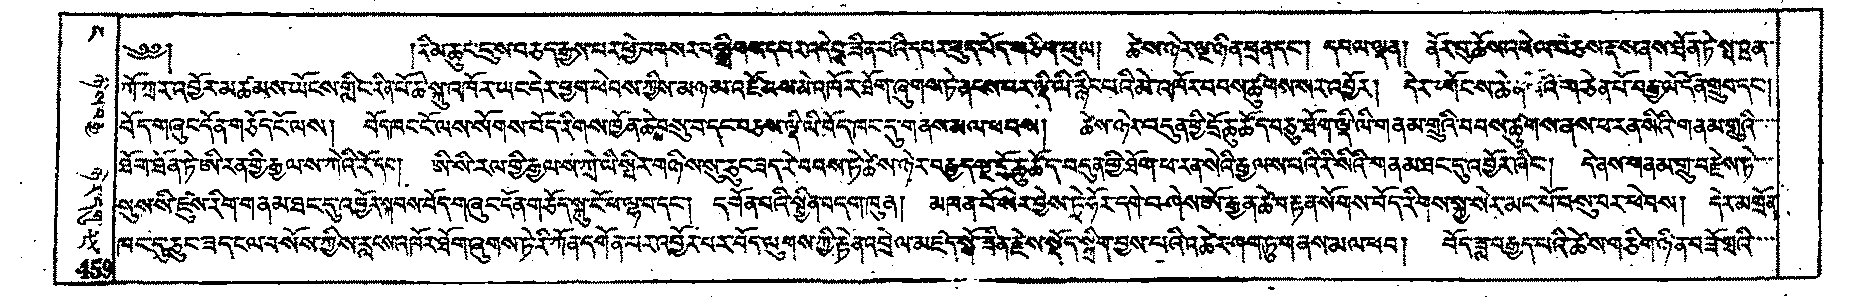༄༅། །རིམ་ཆུང་ངུ་ས་བཅད་རྒྱས་པར་ཕྱེ་བ་གསར་བསྒྲིགས་དཔར་འདེབས་ཟིན་པའི་དཔར་ཕུད་པོད་གཅིག་ཕུལ། ཚེས་ཉེར་ལྔ་ཉིན་ཕྲན་དང་། དཔལ་ལྡན། ནོར་བུ་ཆོས་འཕེལ་བཅས་རྡ་ས་ནས་ཐོན་ཏེ་སྤ་ཊཿཨན་
ཀོ་ཀྲར་འབྱོར་མཚམས་ཡོངས་གླིང་རིན་པོ་ཆེ་སྐུ་འཁོར་ཡང་དེར་ཕྱག་ཕེབས་ཀྱིས་མཉམ་འཛོམས་མེ་འཁོར་ཐོག་ཞུགས་ཏེ་ནངས་བར་ལྡི་ལི་རྙིང་པའི་མེ་འཁོར་བབས་ཚུགས་སར་འབྱོར། དེར་༧གོང་ས་ཆེན་པོའི་གཅེན་པོ་བརྒྱ་ལོ་དོན་གྲུབ་དང་།
བོད་གཞུང་དོན་གཅོད་ངོ་ལས། བོད་ཁང་ངོ་ལས་སོགས་བོད་རིགས་ཁྱོན་ཆེས་བསུ་བ་དང་བཅས་ལྡི་ལི་བོད་ཁང་དུ་གནས་མལ་ཕབས། ཚེས་ཉེར་བདུན་ཕྱི་དྲོ་ཆུ་ཚོད་བཅུ་ཐོག་ལྡི་ལི་གནམ་གྲུའི་བབས་ཚུགས་ནས་ཕ་རན་སིའི་གནམ་གྲུའི་
ཐོག་ཐོན་ཏེ་ཨི་རན་གྱི་རྒྱལ་ས་ཀེའི་རོ་དང་། ཨི་སི་རལ་གྱི་རྒྱལ་ས་ཀྲེ་ལི་སྤིར་གཉིས་སུ་ཅུང་ཟད་རེ་བབས་ཏེ་ཚེས་ཉེར་བརྒྱད་སྔ་དྲོ་ཆུ་ཚོད་བདུན་གྱི་ཐོག་ཕ་རན་སེའི་རྒྱལ་ས་པའི་རི་སིའི་གནམ་ཐང་དུ་འབྱོར་ཞིང་། དེ་ནས་གནམ་གྲུབ་བརྗེས་ཏེ་
སུས་སི་ཛུས་རིག་གནམ་ཐང་དུ་འབྱོར་སྐབས་བོད་གཞུང་དོན་གཅོད་སྐུ་ངོ་ཕ་ལྷ་བ་དང་། དགོན་པའི་སྦྱིན་བདག་ཁུན། མཁན་པོ་སེར་བྱེས་ཏྲེ་ཧོར་དགེ་བཤེས་ཨོ་རྒྱན་ཚེ་བརྟན་སོགས་བོད་རིགས་སྐྱ་སེར་མང་པོ་བསུ་བར་ཕེབས། དེར་མགྲོན་
ཁང་དུ་ཅུང་ཟད་ངལ་བསོས་ཀྱིས་རླངས་འཁོར་ཐོག་ཞུགས་ཏེ་རི་ཀོན་དགོན་པར་འབྱོར་པར་བོད་ལུགས་ཀྱི་རྟེན་འབྲེལ་མཛད་སྒོ་ཟིན་རྗེས་སྡོད་སྒྲིག་བྱས་པའི་འཚེར་ཤག་ཏུ་གནས་མལ་ཕབ། བོད་ཟླ་བརྒྱད་པའི་ཚེས་གཅིག་ཉིན་བཟོ་གྲའི་